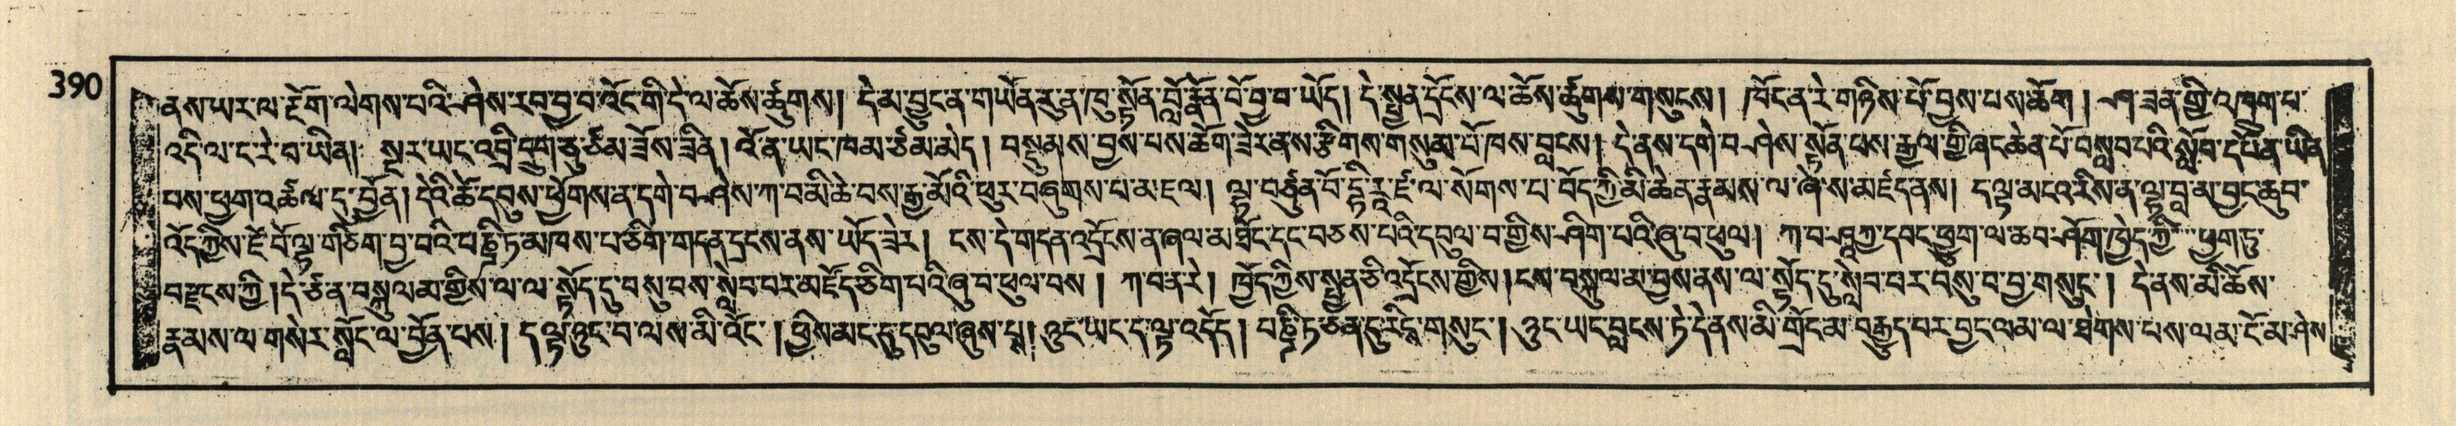ནས་ཡར་ལ་རྡོག་ལེགས་པའི་ཤེས་རབ་བྱ་བ་འོང་གི་དེ་ལ་ཆོས་ཚུགས། དེ་མ་བྱུང་ན་གཡོན་རུ་ན་ཁུ་སྟོན་བློ་རྣོན་བོ་བྱ་བ་ཡོད། དེ་སྤྱན་དྲོངས་ལ་ཆོས་ཚུགས་གསུངས། ཁོང་ན་རེ་གཉིས་པོ་བྱས་པས་ཆོག། ཤ་ཟན་གྱི་འཁྲུག་པ་
འདི་ལ་ང་རེ་བ་ཡིན། སྔར་ཡང་འབྲི་དྲུག་ཅུ་ཙམ་ཟོས་ཟིན། །འོ་ན་ཡང་ཁམ་ཙམ་མེད། བསྡུམས་བྱས་པས་ཆོག་ཟེར་ནས་རྩིགས་གསུམ་པོ་ཁས་བླངས། དེ་ནས་དགེ་བཤེས་སྟོན་པས་རྒྱལ་གྱི་ཞང་ཆེན་པོ་བསླབ་པའི་སློབ་དཔོན་ཡིན་
བས་ཕྱག་འཚལ་དུ་བྱོན། །དེའི་ཚེ་དབུས་ཕྱོགས་ན་དགེ་བ་ཤེས་ཀ་བ་མི་ཆེ་བས་རྒྱ་མོའི་ཕུར་བཞུགས་པ་མཇལ། ལྷ་བཙུན་བོ་དྷི་རཱ་ཛ་ལ་སོགས་པ་བོད་ཀྱི་མི་ཆེན་རྣམས་ལ་ཞེས་མཛད་ནས། ད་ལྟ་མངའ་རིས་ན་ལྷ་བླ་མ་བྱང་ཆུབ་
འོད་ཀྱིས་ཇོ་བོ་ལྷ་གཅིག་བྱ་བའི་པཎྜི་ཏ་མཁས་པ་ཅིག་གདན་དྲངས་ནས་ཡོད་ཟེར། ངས་དེ་གདན་འགྲོངས་ན་ཞལ་མཐོང་དང་བཅས་པའི་དབུལ་བགྱིས་ཤིག་པའི་ཞུ་བ་ཕུལ། ཀ་བ་ཤཱཀྱ་དབང་ཕྱུག་ལ་ཆབ་ཤོག་ཁྱེད་ཀྱི་ཕྱག་ཏུ་
བརྫངས་ཀྱི་།དེ་ཙ་ན་བསྐུ་ལམ་གྱིས་ལ་ལ་སྟོད་དུ་བསུ་བས་སླེབ་པར་མཛོད་ཅིག་པའི་ཞུ་བ་ཕུལ་བས། ཀ་བ་ན་རེ། ཁྱོད་ཀྱིས་སྤྱན་ཅི་འདྲོངས་གྱིས། ངས་བསྐུལ་མ་བྱས་ནས་ལ་སྟོད་དུ་སླེབ་བར་བསུ་བ་བྱ་གསུང་། དེ་ནས་མི་ཆོས་
རྣམས་ལ་གསེར་སློང་ལ་བྱོན་པས། ད་ལྟ་ཉུང་བ་ལས་མི་འོང་། །ཕྱིས་མང་དུ་དབུལ་ཞུས་པས། ཉུང་ཡང་ད་ལྟ་འདོད། པཎྜི་ཏ་ཅན་དུ་རིངས་གསུངས། ཉུང་ཡང་བླངས་ཏེ་དེ་ནས་མི་གྲོང་མ་བརྒྱུད་བར་བྱང་ལམ་ལ་ཐེགས་པས་ལམ་ངོ་མ་ཤེས་